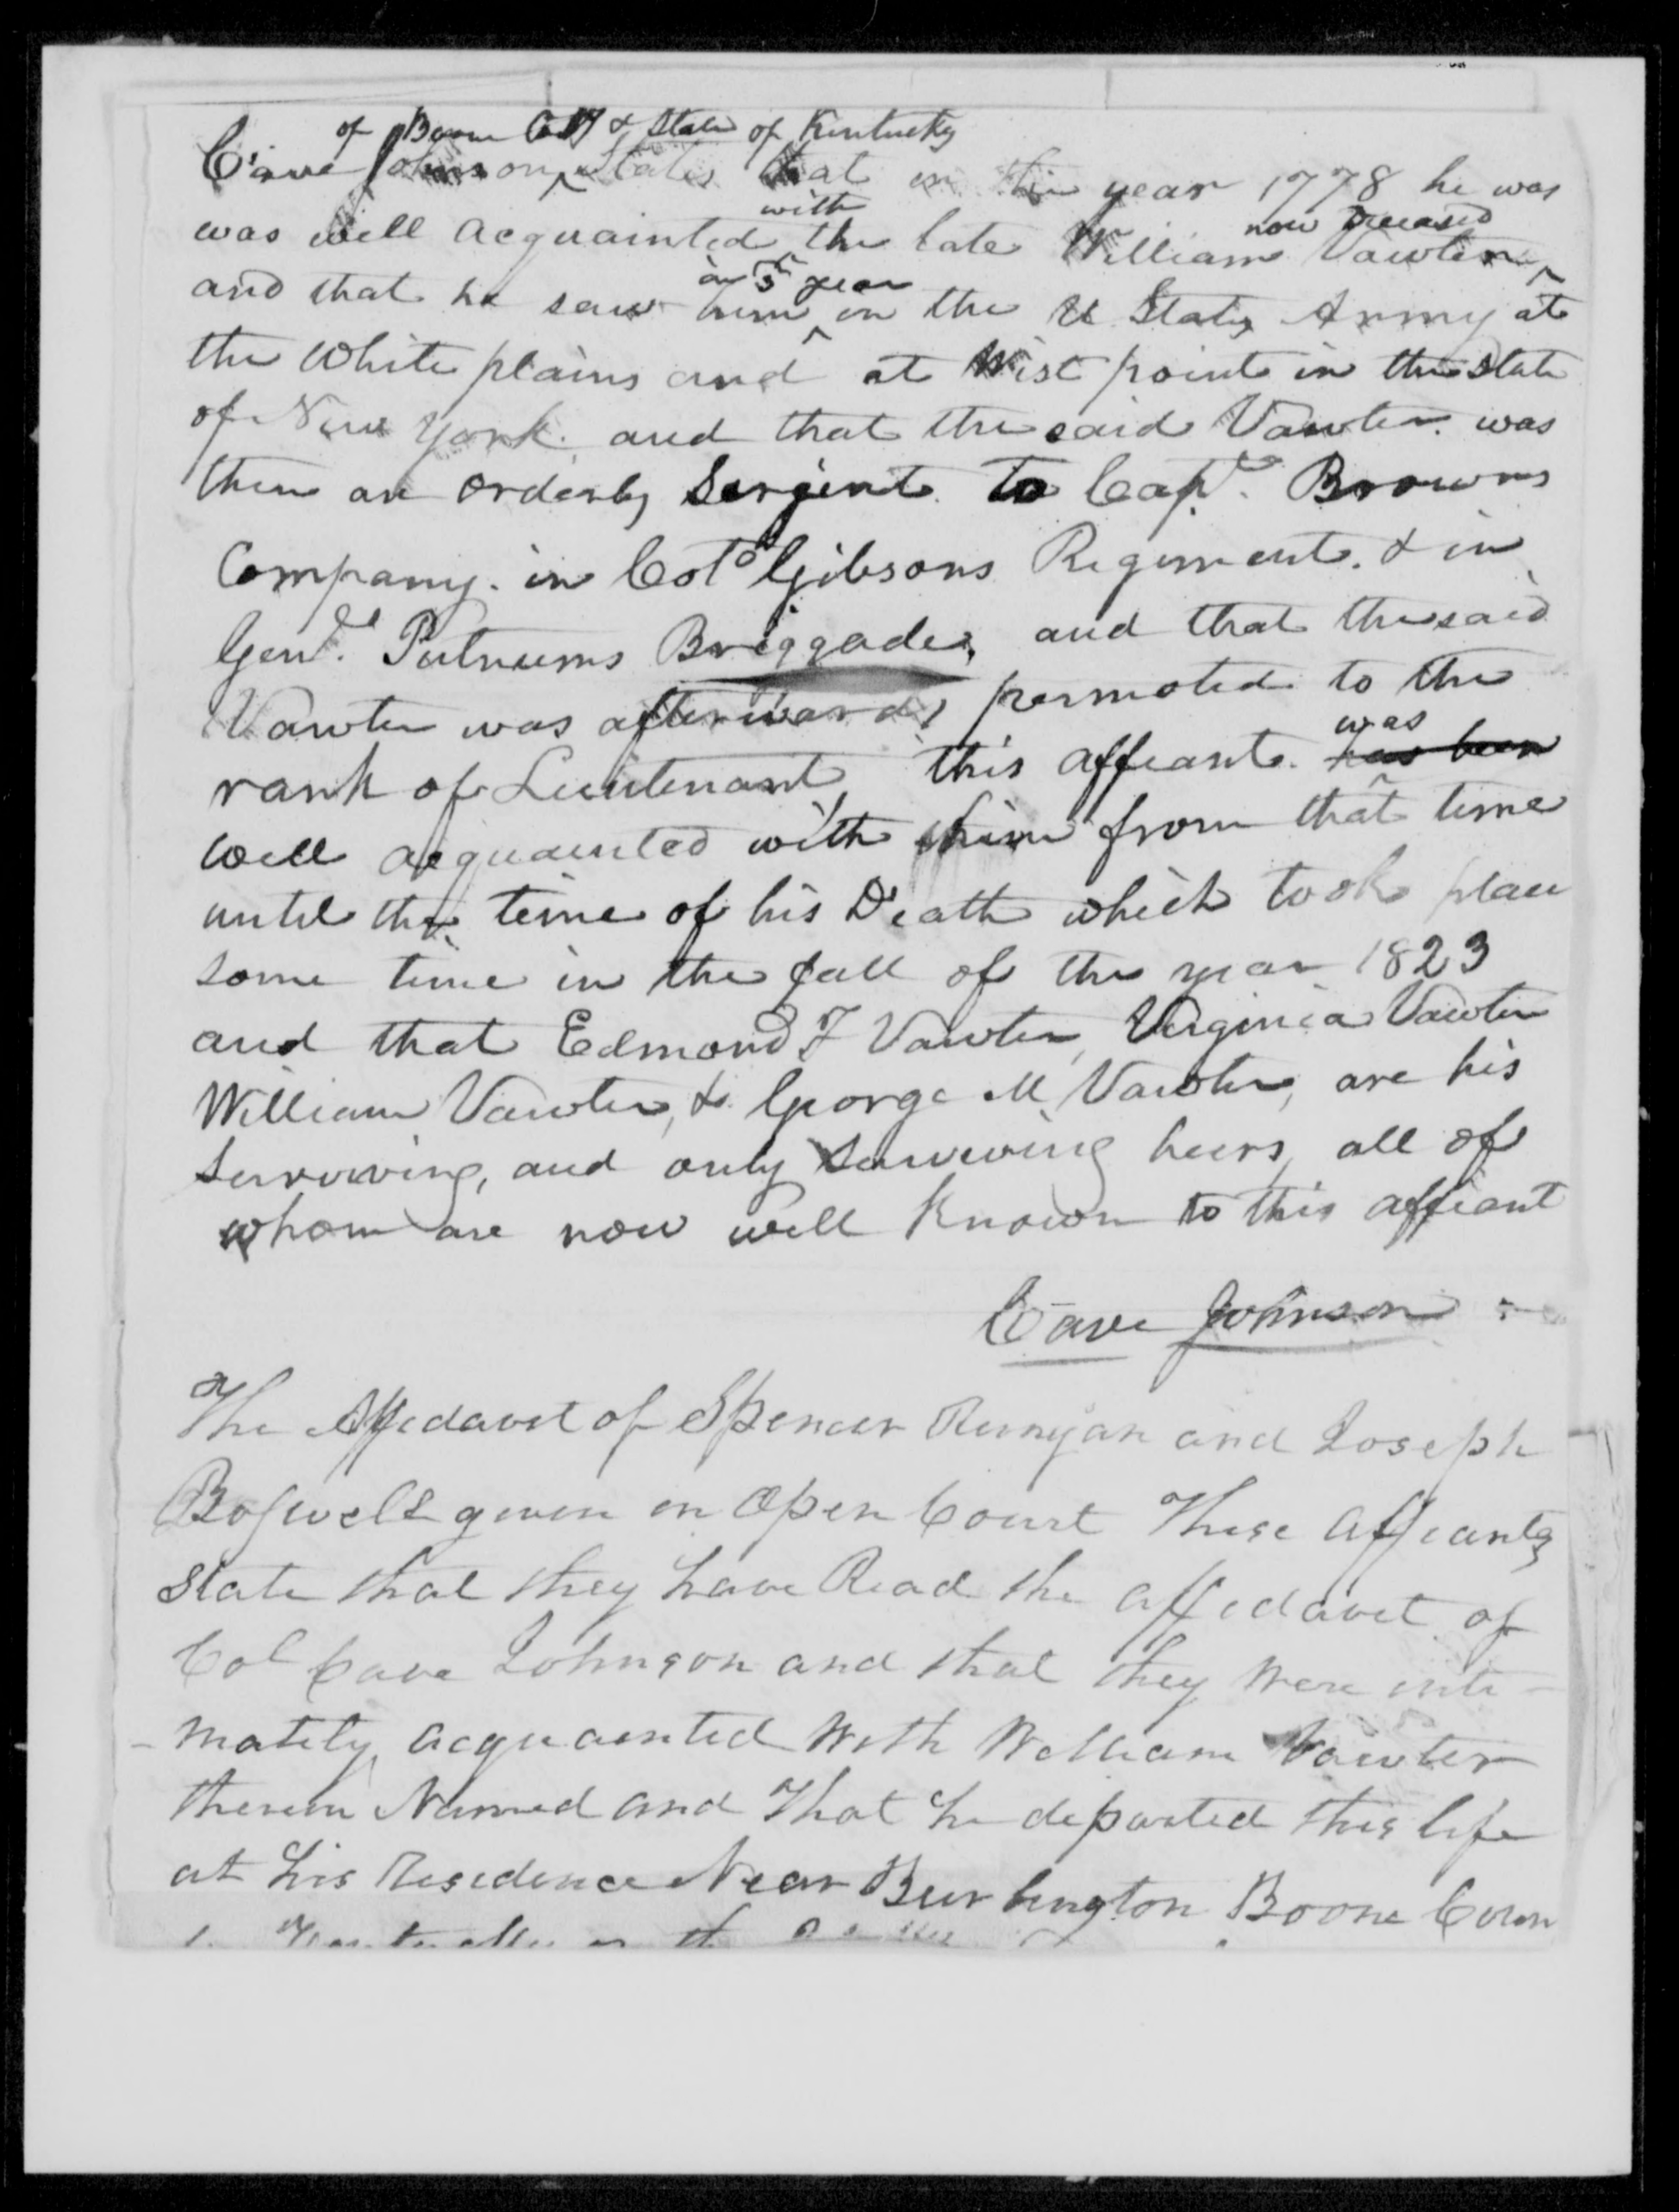of Boon Colly & State of Kentucky
Cave Johnson states that in the year 1778 he was
was well acquainted with the late William Vawter, now deceased
and that he saw him in the year in the U States Army at
the White plains and at West point in the State of
New York and that the said Vawter was
then an orderly Sargent to Capt Browns
Company in Colo Gibsons Regiment & in
Genl Putnums Brigade and that the said
Vawter was afterwards promoted to the
rank of Lieutenant this affiant was
well acquainted with him from that time
until the time of his death which took place
some time in the fall of the year 1823
and that Edmond F Vawter, Virginia Vawter
William Vawter, & George M Vawter,, are his
surviving, and only surviving heirs all of
whom are now well known to this affiant
Cave Johnson
The Affidavit of Spencer Runyan and Joseph
Boswell given in Open Court These affiants
State that they have read the affidavit of
Col Cave Johnson and that they were intimately acquainted with William Vawter 
therein named and that he departed this life
at his residence Near Burlington Boone County
[...illegible]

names: William Vawter, Joseph Boswell, William Vawter, George M Vawters, Cave Johnson, Virginia Vawter, Cave Johnson, Cave Johnson, Vawter, William Vawter, Edmond F Vawter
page: 49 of 51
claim: rejected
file: R. 10,921, William Vawter, Va.